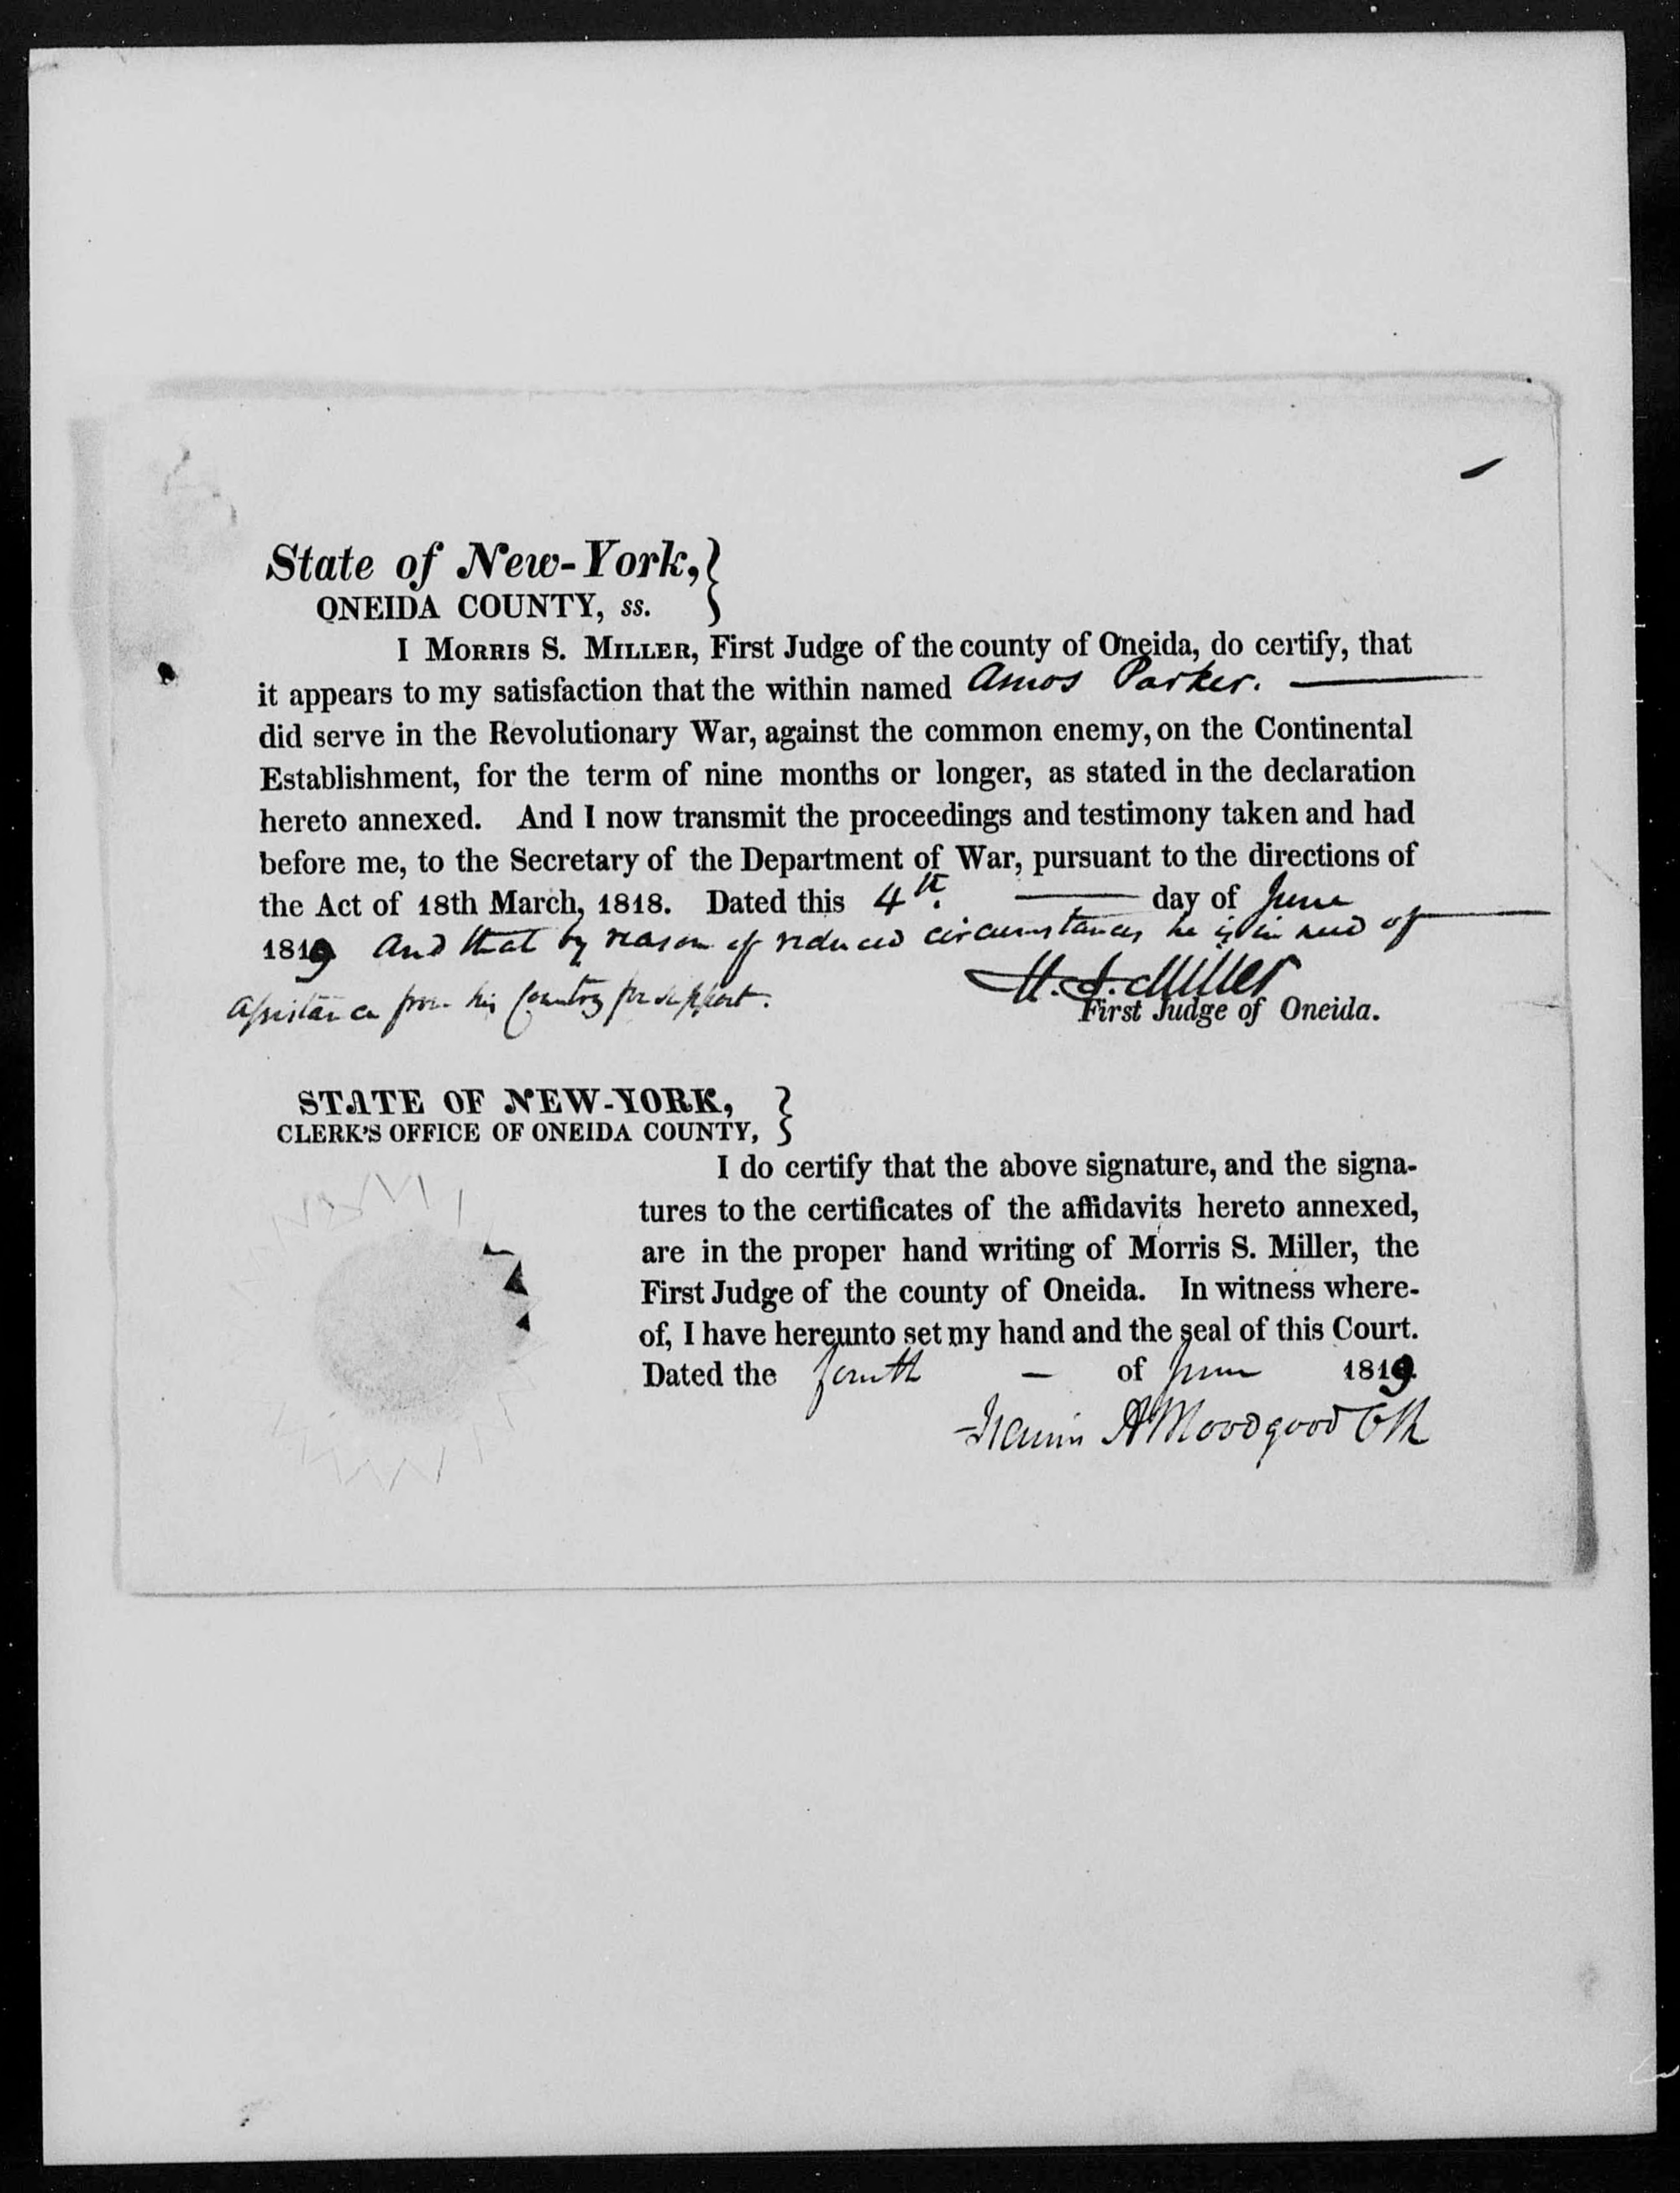State of New-York, }
ONEIDA COUNTY, ss. }
I MORRIS S. MILLER, First Judge of the county of Oneida, do certify, that
it appears to my satisfaction that the within named Amos Parker,
did serve in the Revolutionary War, against the common enemy, on the Continental
Establishment, for the term of nine months or longer, as stated in the declaration
hereto annexed. And I now transmit the proceedings and testimony taken and had
before me, to the Secretary of the Department of War, pursuant to the directions of
the Act of 18th March, 1818. Dated this 4th
day of June
1819 and that by reason of reduced circumstances he is in need of
Assistance from his country for support.
M. S. Miller
STATE OF NEW-YORK, }
CLERK'S OFFICE OF ONEIDA COUNTY, }
I do certify that the above signature, and the signatures
to the certificates of the affidavits hereto annexed,
are in the proper hand writing of Morris S. Miller, the
First Judge of the county of Oneida. In witness whereof
, I have hereunto set my hand and the seal of this Court.
Dated the fourth of June 1819
Francis A Bloodgood Clk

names: Morris S Miller; Francis A Bloodgood; Amos Parker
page: 6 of 31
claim: survivor's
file: S. 43766, for Amos Parker, Connecticut